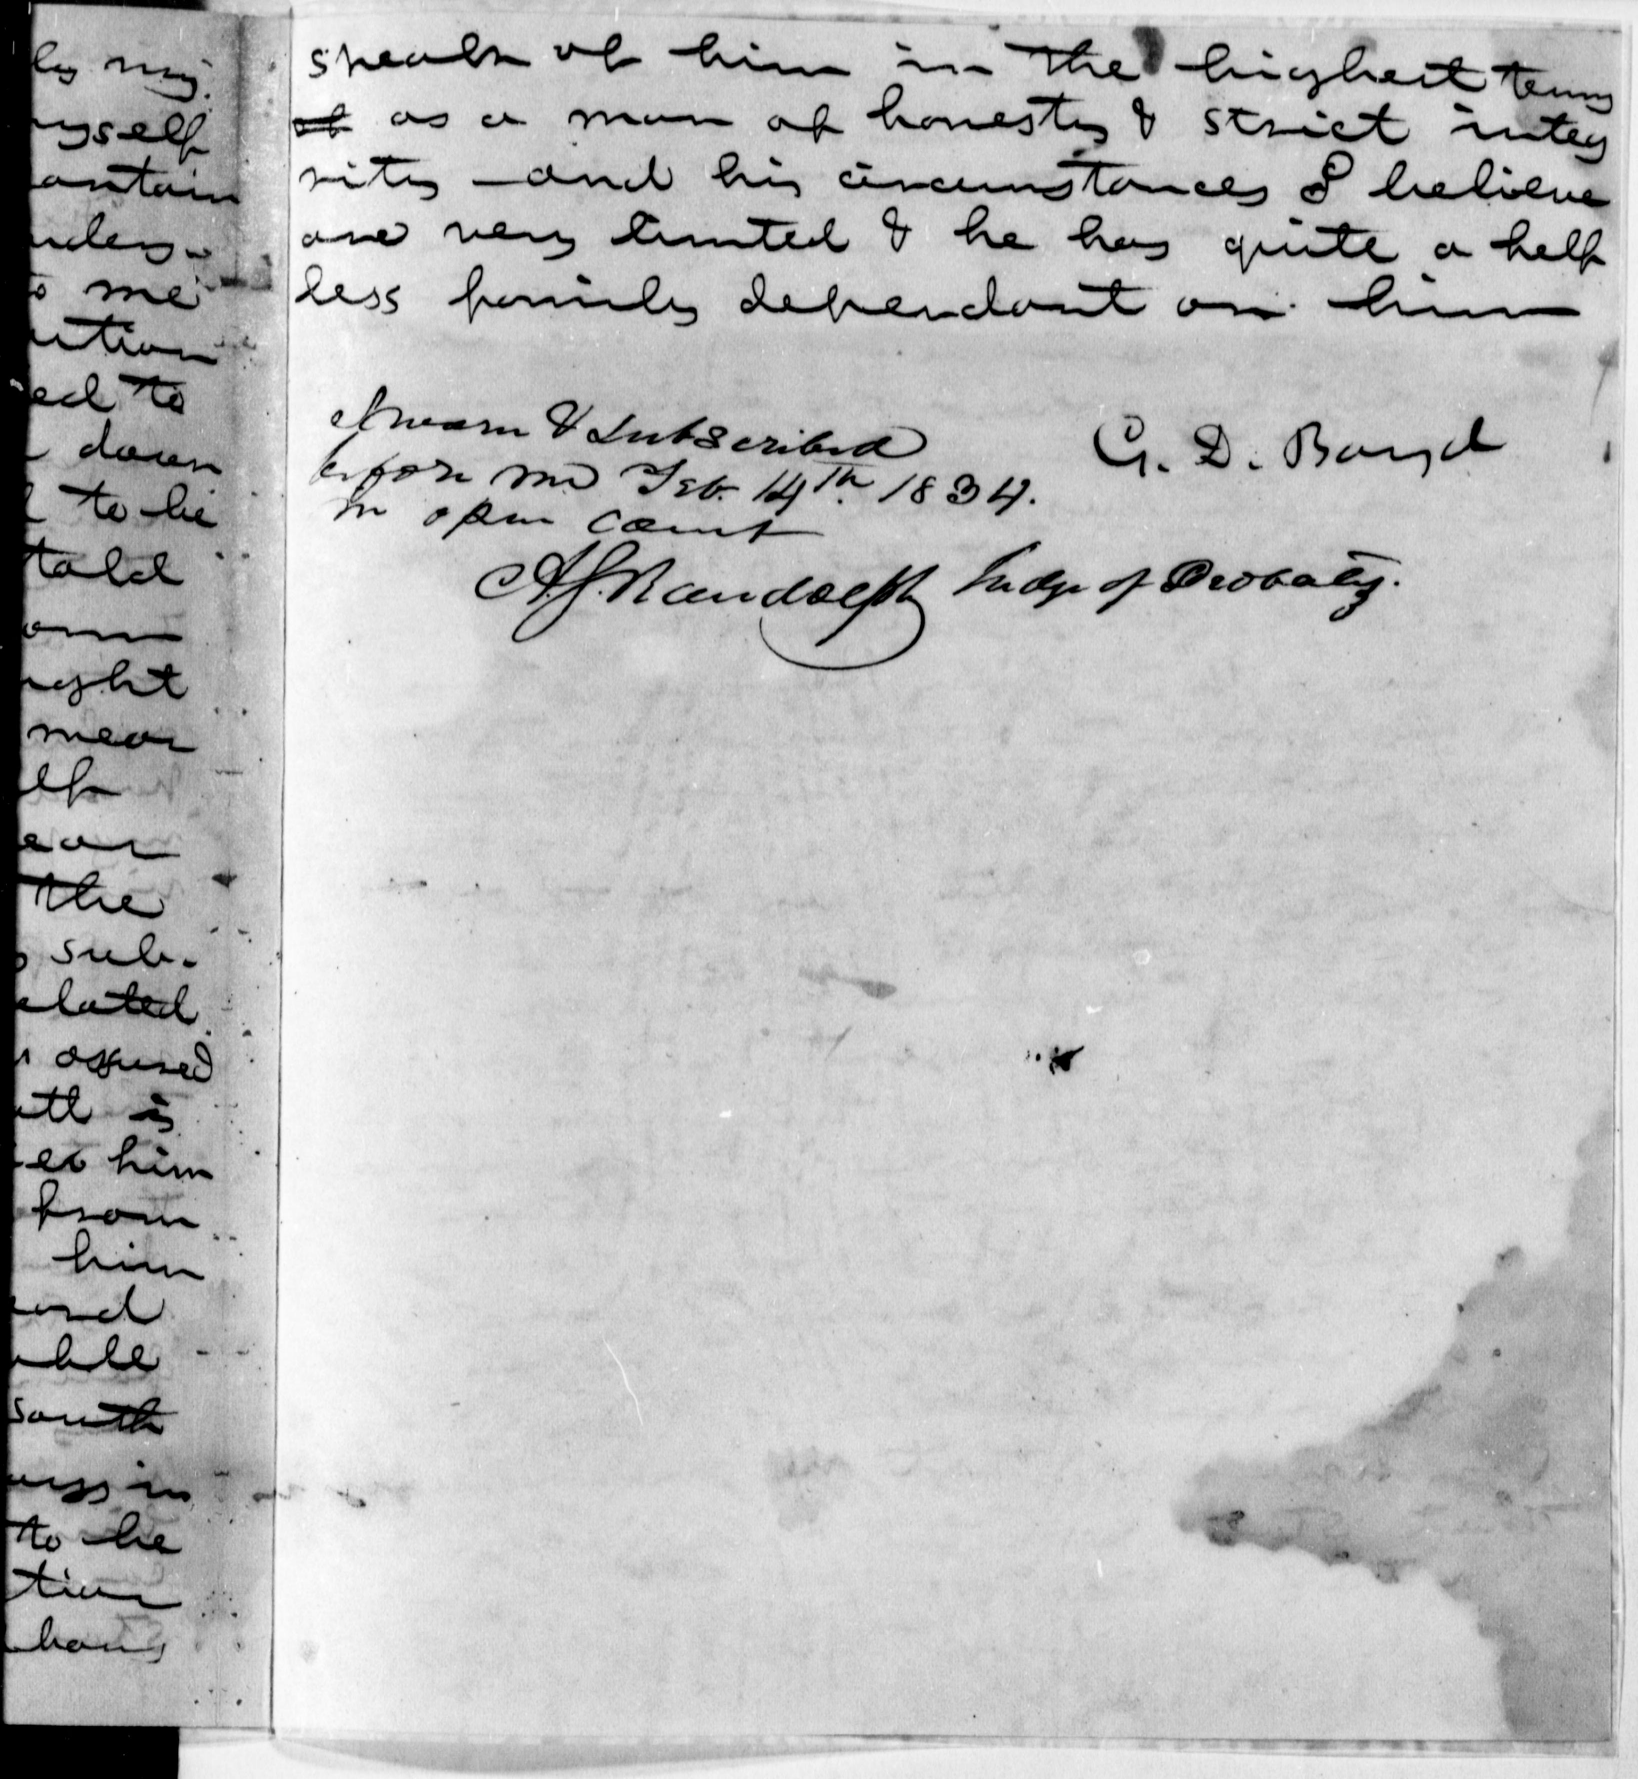speak of him in the highest terms as a man of honesty & strict integrity and his circumstances I believe are very limited & he has quite a helpless family dependent on him.
G. D. Boyd
Sworn & subscribed before me Feb. 14th 1834. in open court
A. J. Randolph Judge of Probates.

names: G D Boyd, A J Randolph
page: 18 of 38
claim: survivor's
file: S. 30. 239, William Abbott, S.C.